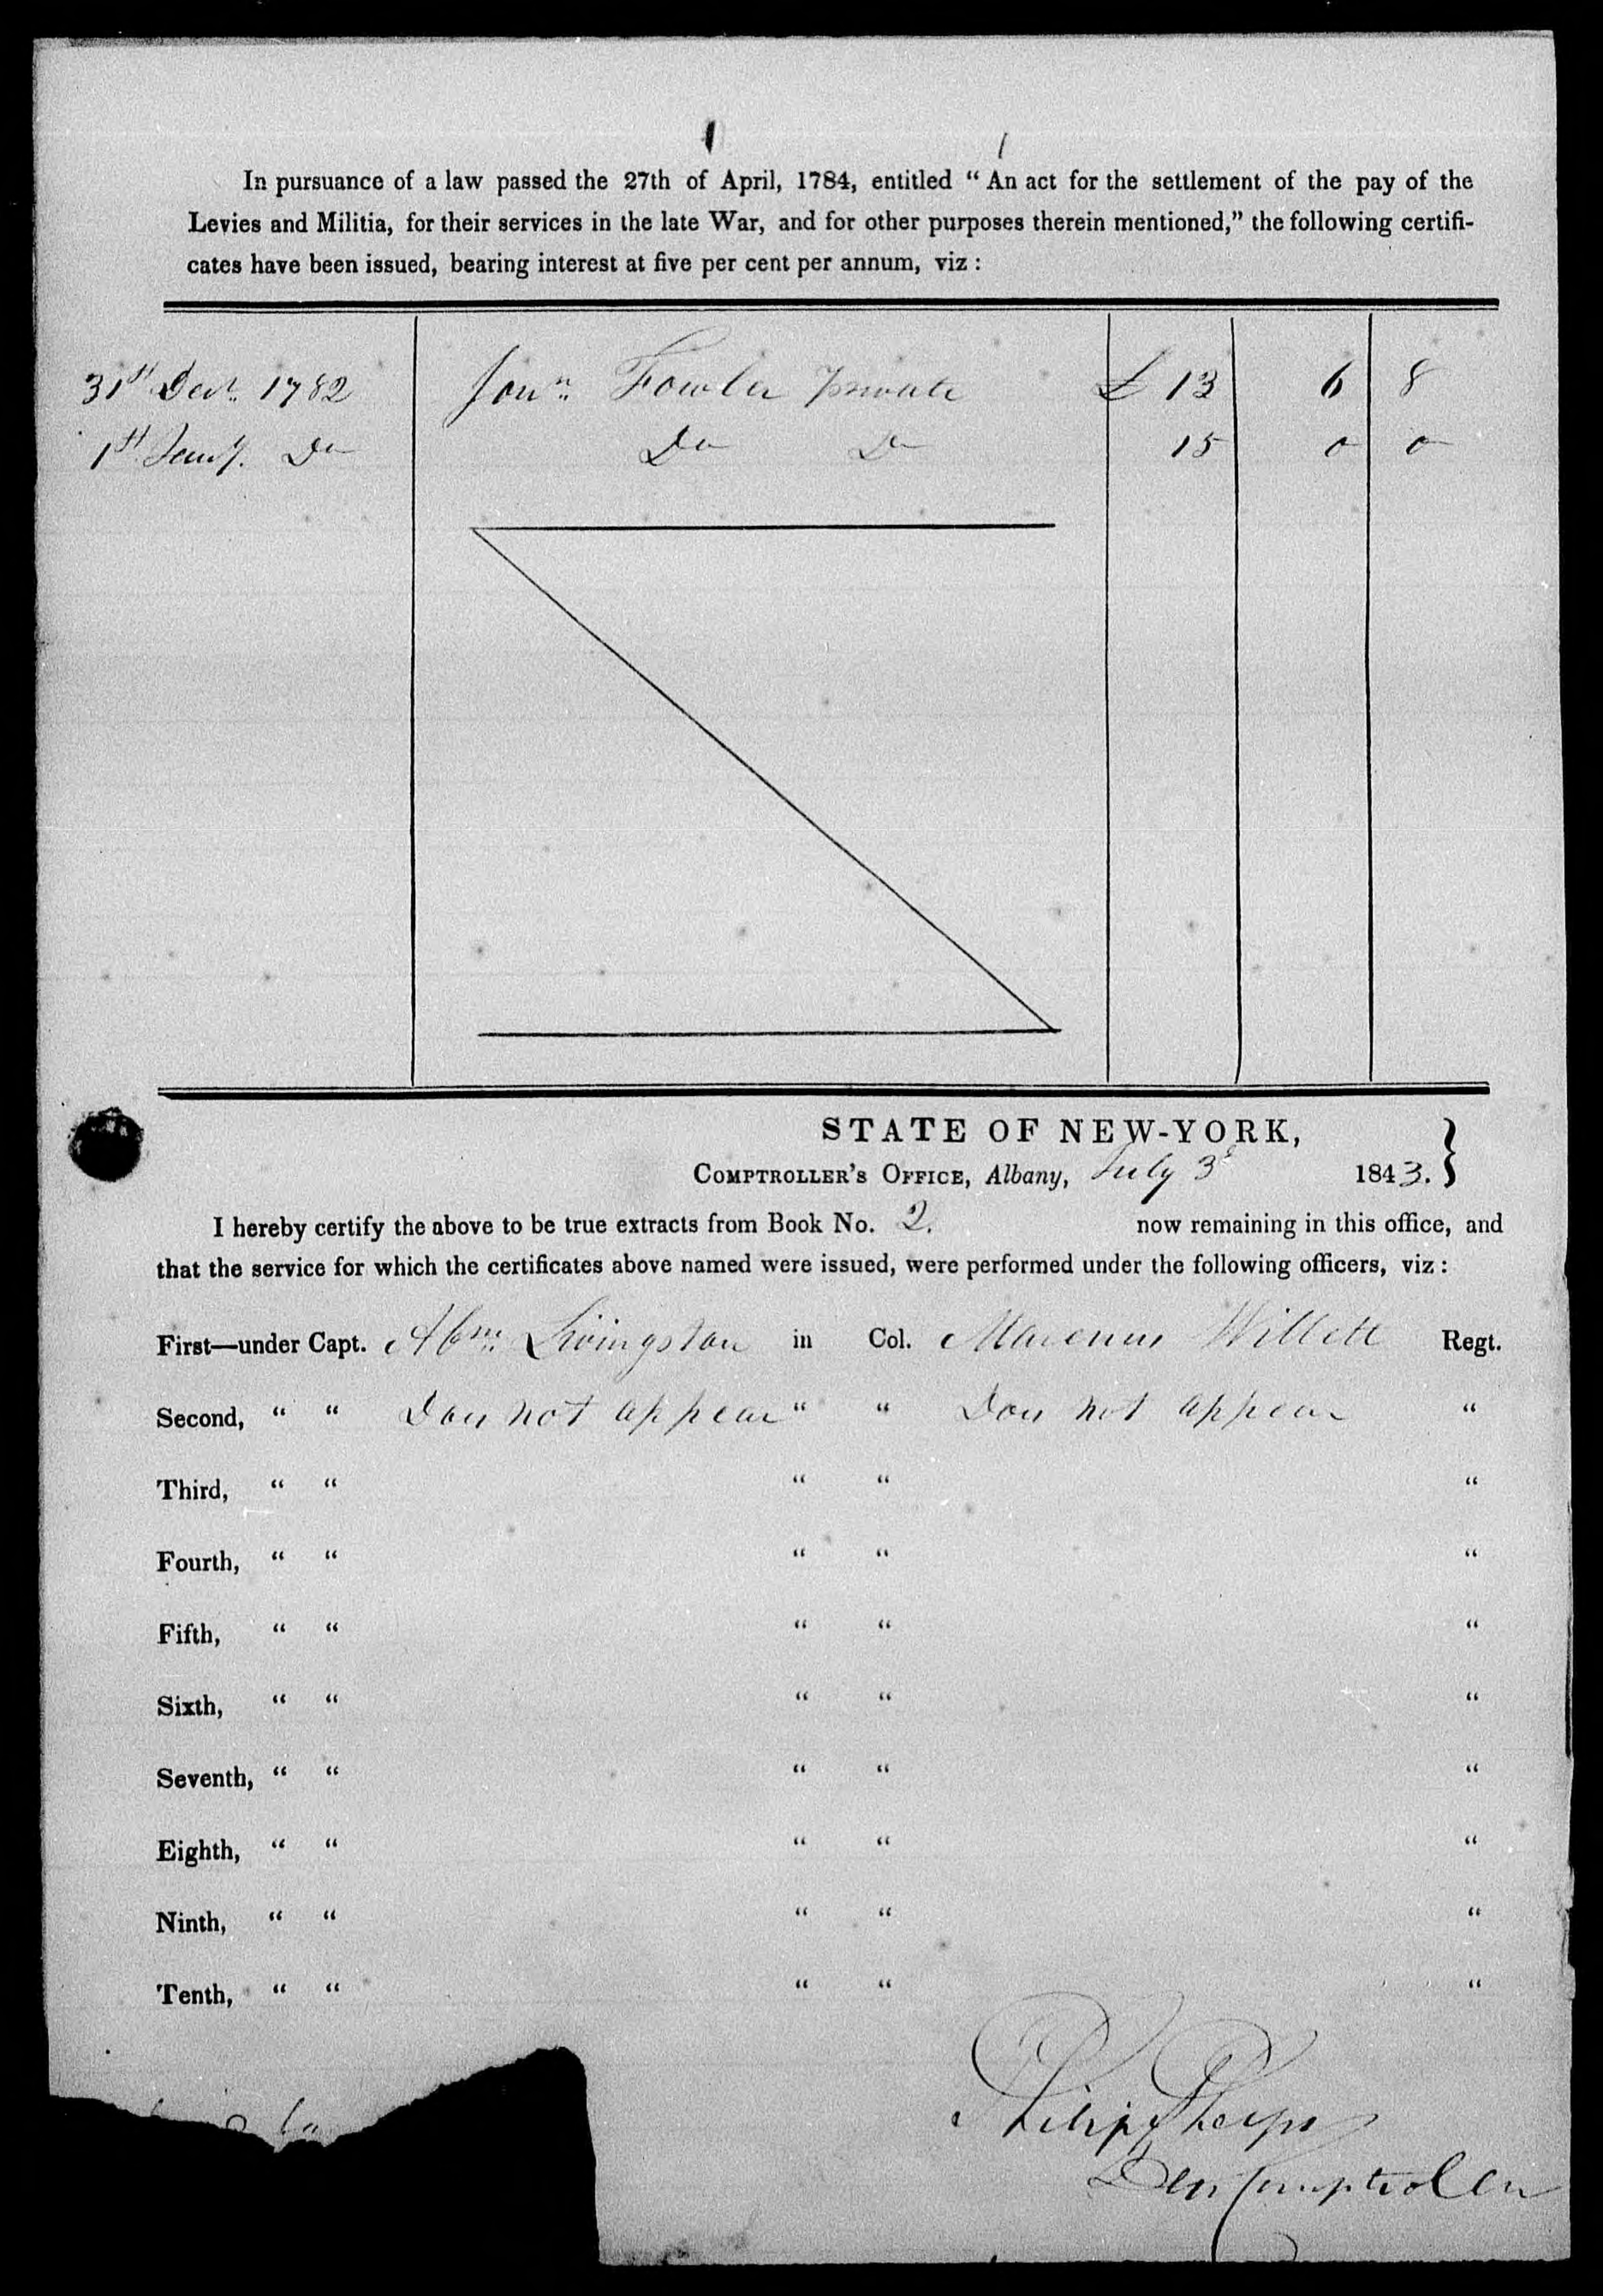In pursuance of a law passed the 27th of April, 1784, entitled "An act for the setlement of the pay of the Levies and Militia, for their services in the late War, and for other purposes therein mentioned," the following certificates have been issued, bearing interest at five per cent per annum, viz:
31st Dec 1782 Jona. Fowler private $13 6 8
1st Jany. Di. Jona. Gowler private $15 0 0

State of New-York, Comptroller's Office, Albany, July 3d 1843.
I hereby certify the above to be true extracts from Book No. 2, now remaining in this office, and that the service for which the certificates above named were issued, were performed under the following officers, viz:

First - under Capt. Abm. Livingston in Col. Marenus Willett Regt.
Second, under Capt Does not appear in Col. Does not appear Regt.

Phliip Phelps
Dep Comptroller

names: Philip Phelps, Jona Fowler, Abm Livingston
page: 36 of 44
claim: survivor's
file: S. 23639, Jonathan Fowler, New York